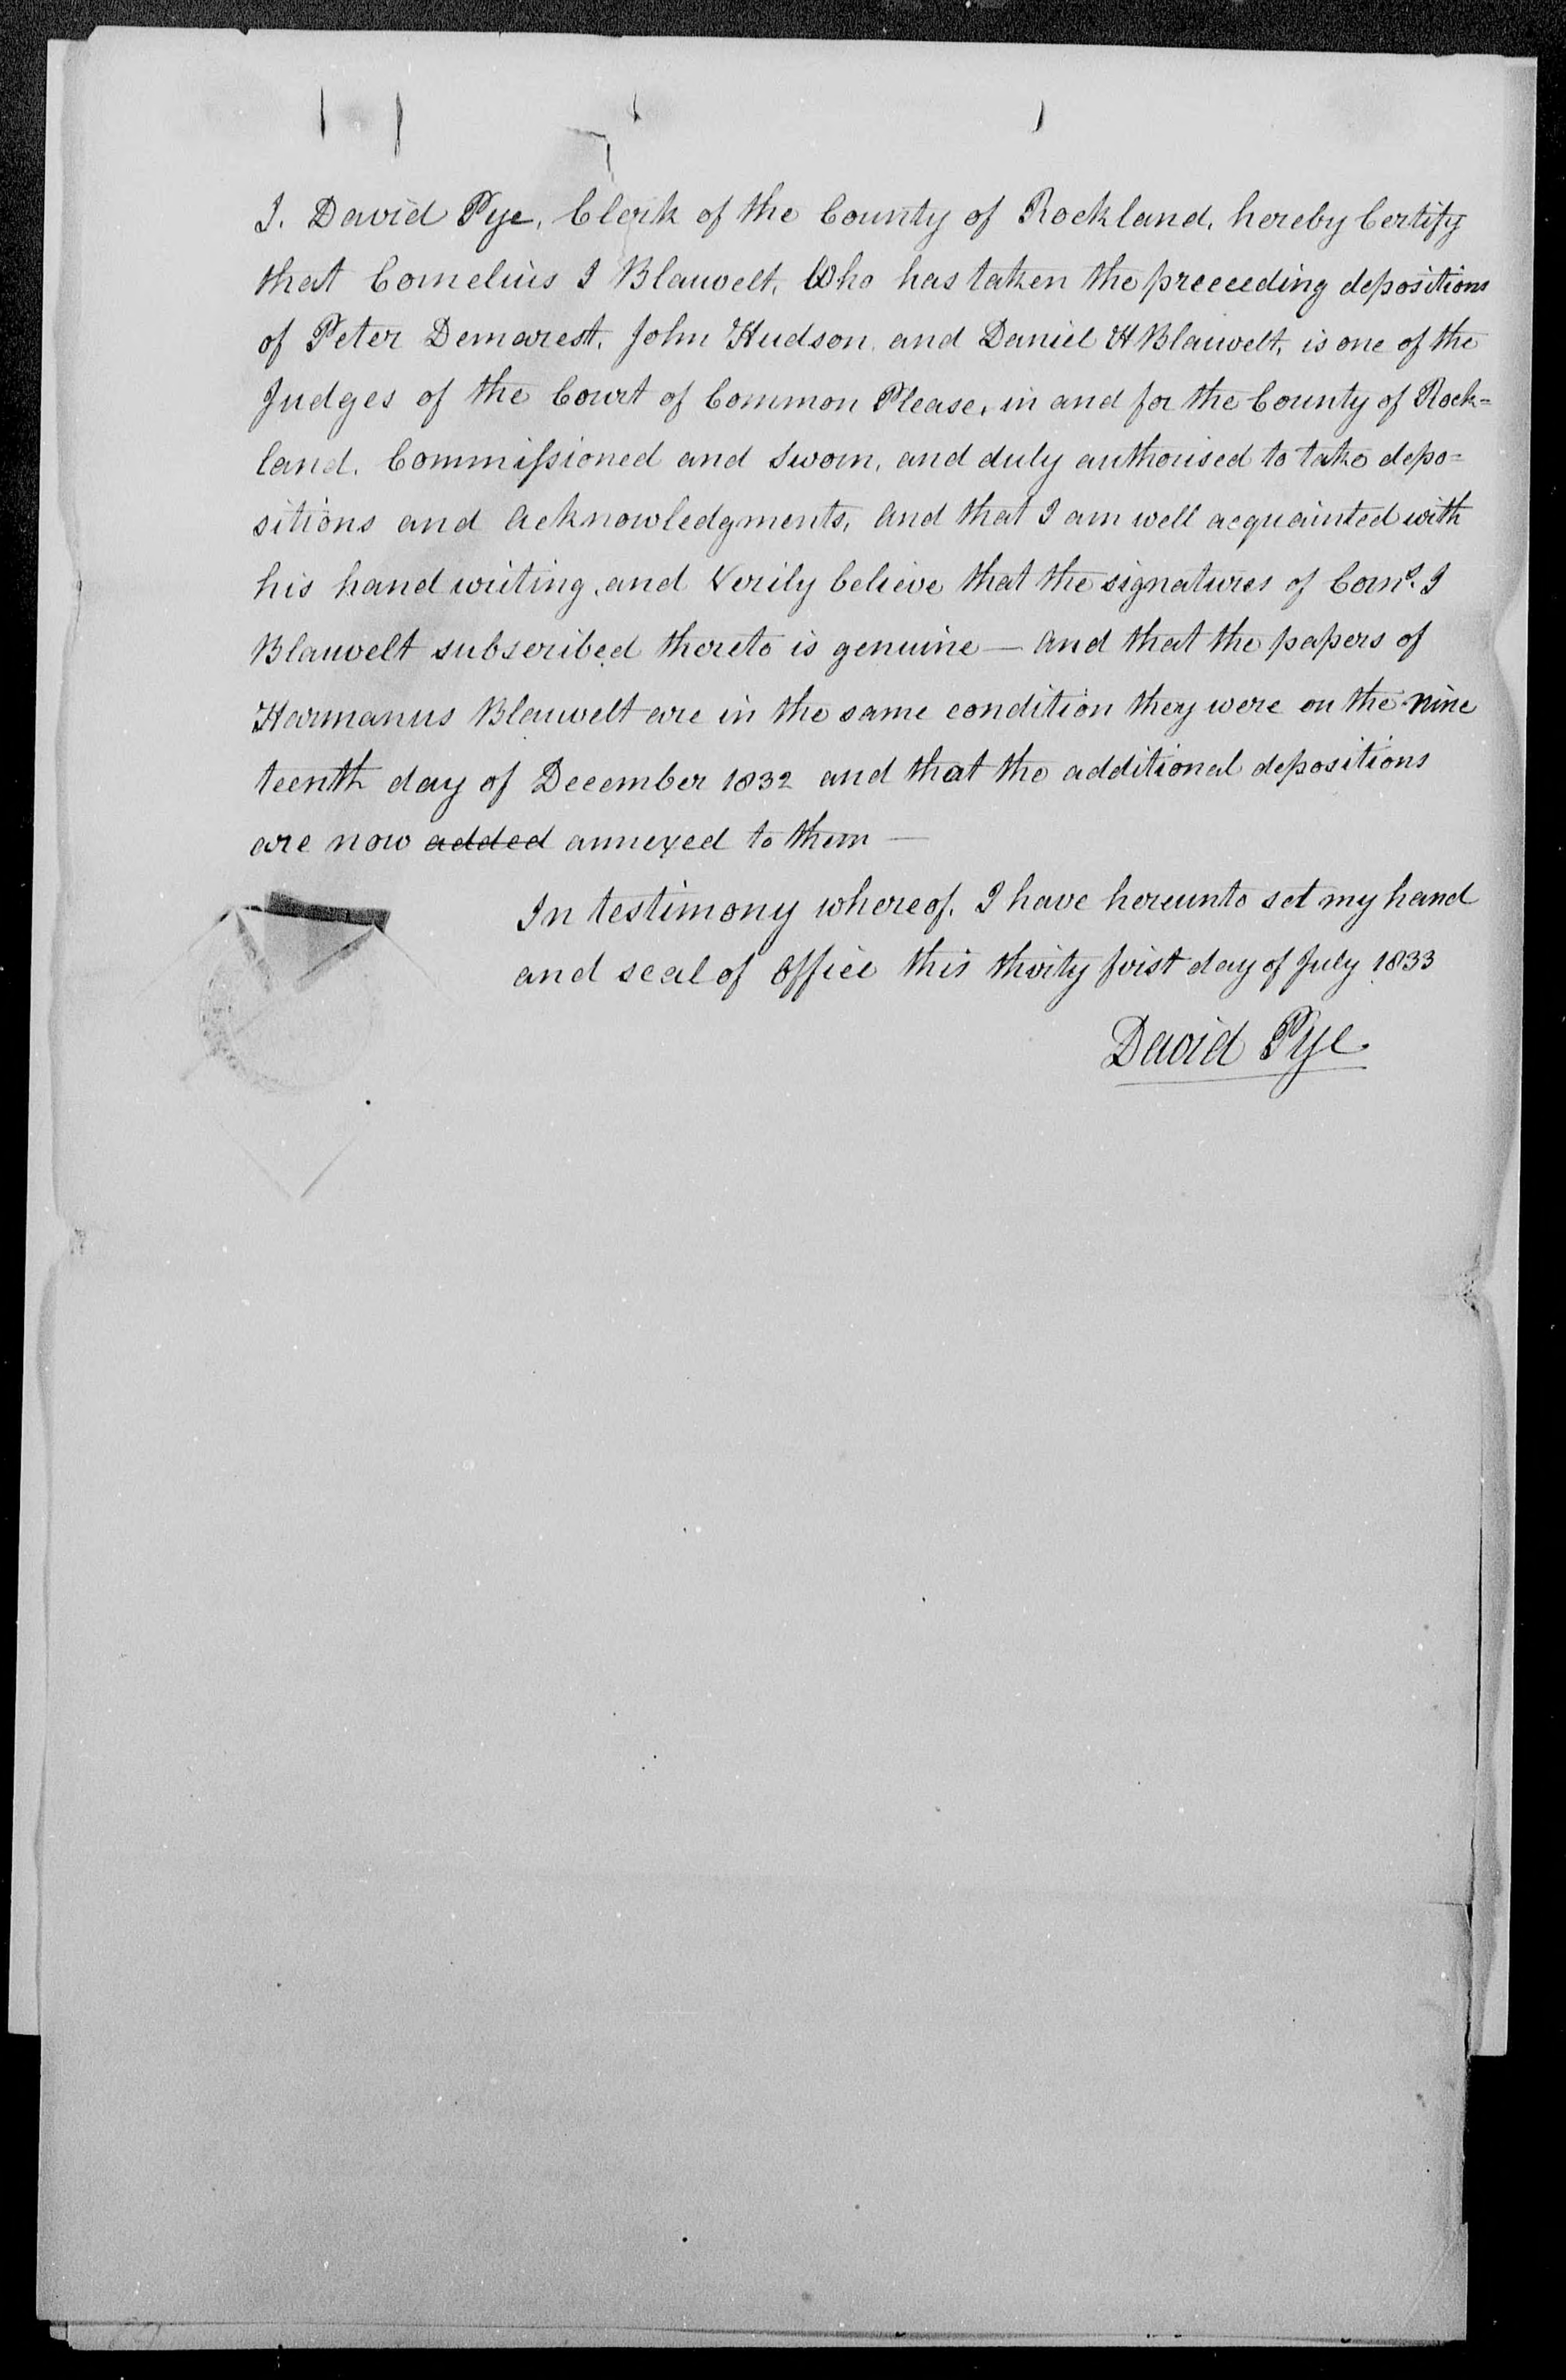I, David Pye, Clerk of the County of Rockand, hereby certify that Cornelius I Blauvelt, who has taken the preceeding depositions of Peter Demarest, John Hudson, and Daniel H. Blauvelt, is one of the judges of the Court of Common Please, in and for the County of Rockland, commissioned and sworn, and duty authorised to take depositions and acknowledgements, and that I am well acquainted with his handwriting, and verily believe that the signatures of Cornelius I Blauvelt subscribed thereto is genuine - and that the papers of Harmanus Blauvelt are in the same condition they were on the ninteenth day of December 1832 and that the additional depositions are not added (struck out) annexed to them.
In testimony whereof I have hereunto set my hand and seal of office this thirty first day of July 1833
David Pye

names: John Hudson, Cornelius I Blauvelt, Peter Demarest, Harmanus Blauvelt, David Pye, David Pye, Daniel H Blauvelt, Corns I Blauvelt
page: 28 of 33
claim: survivor's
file: S. 22,653, Harmanus Blauvelt, New York